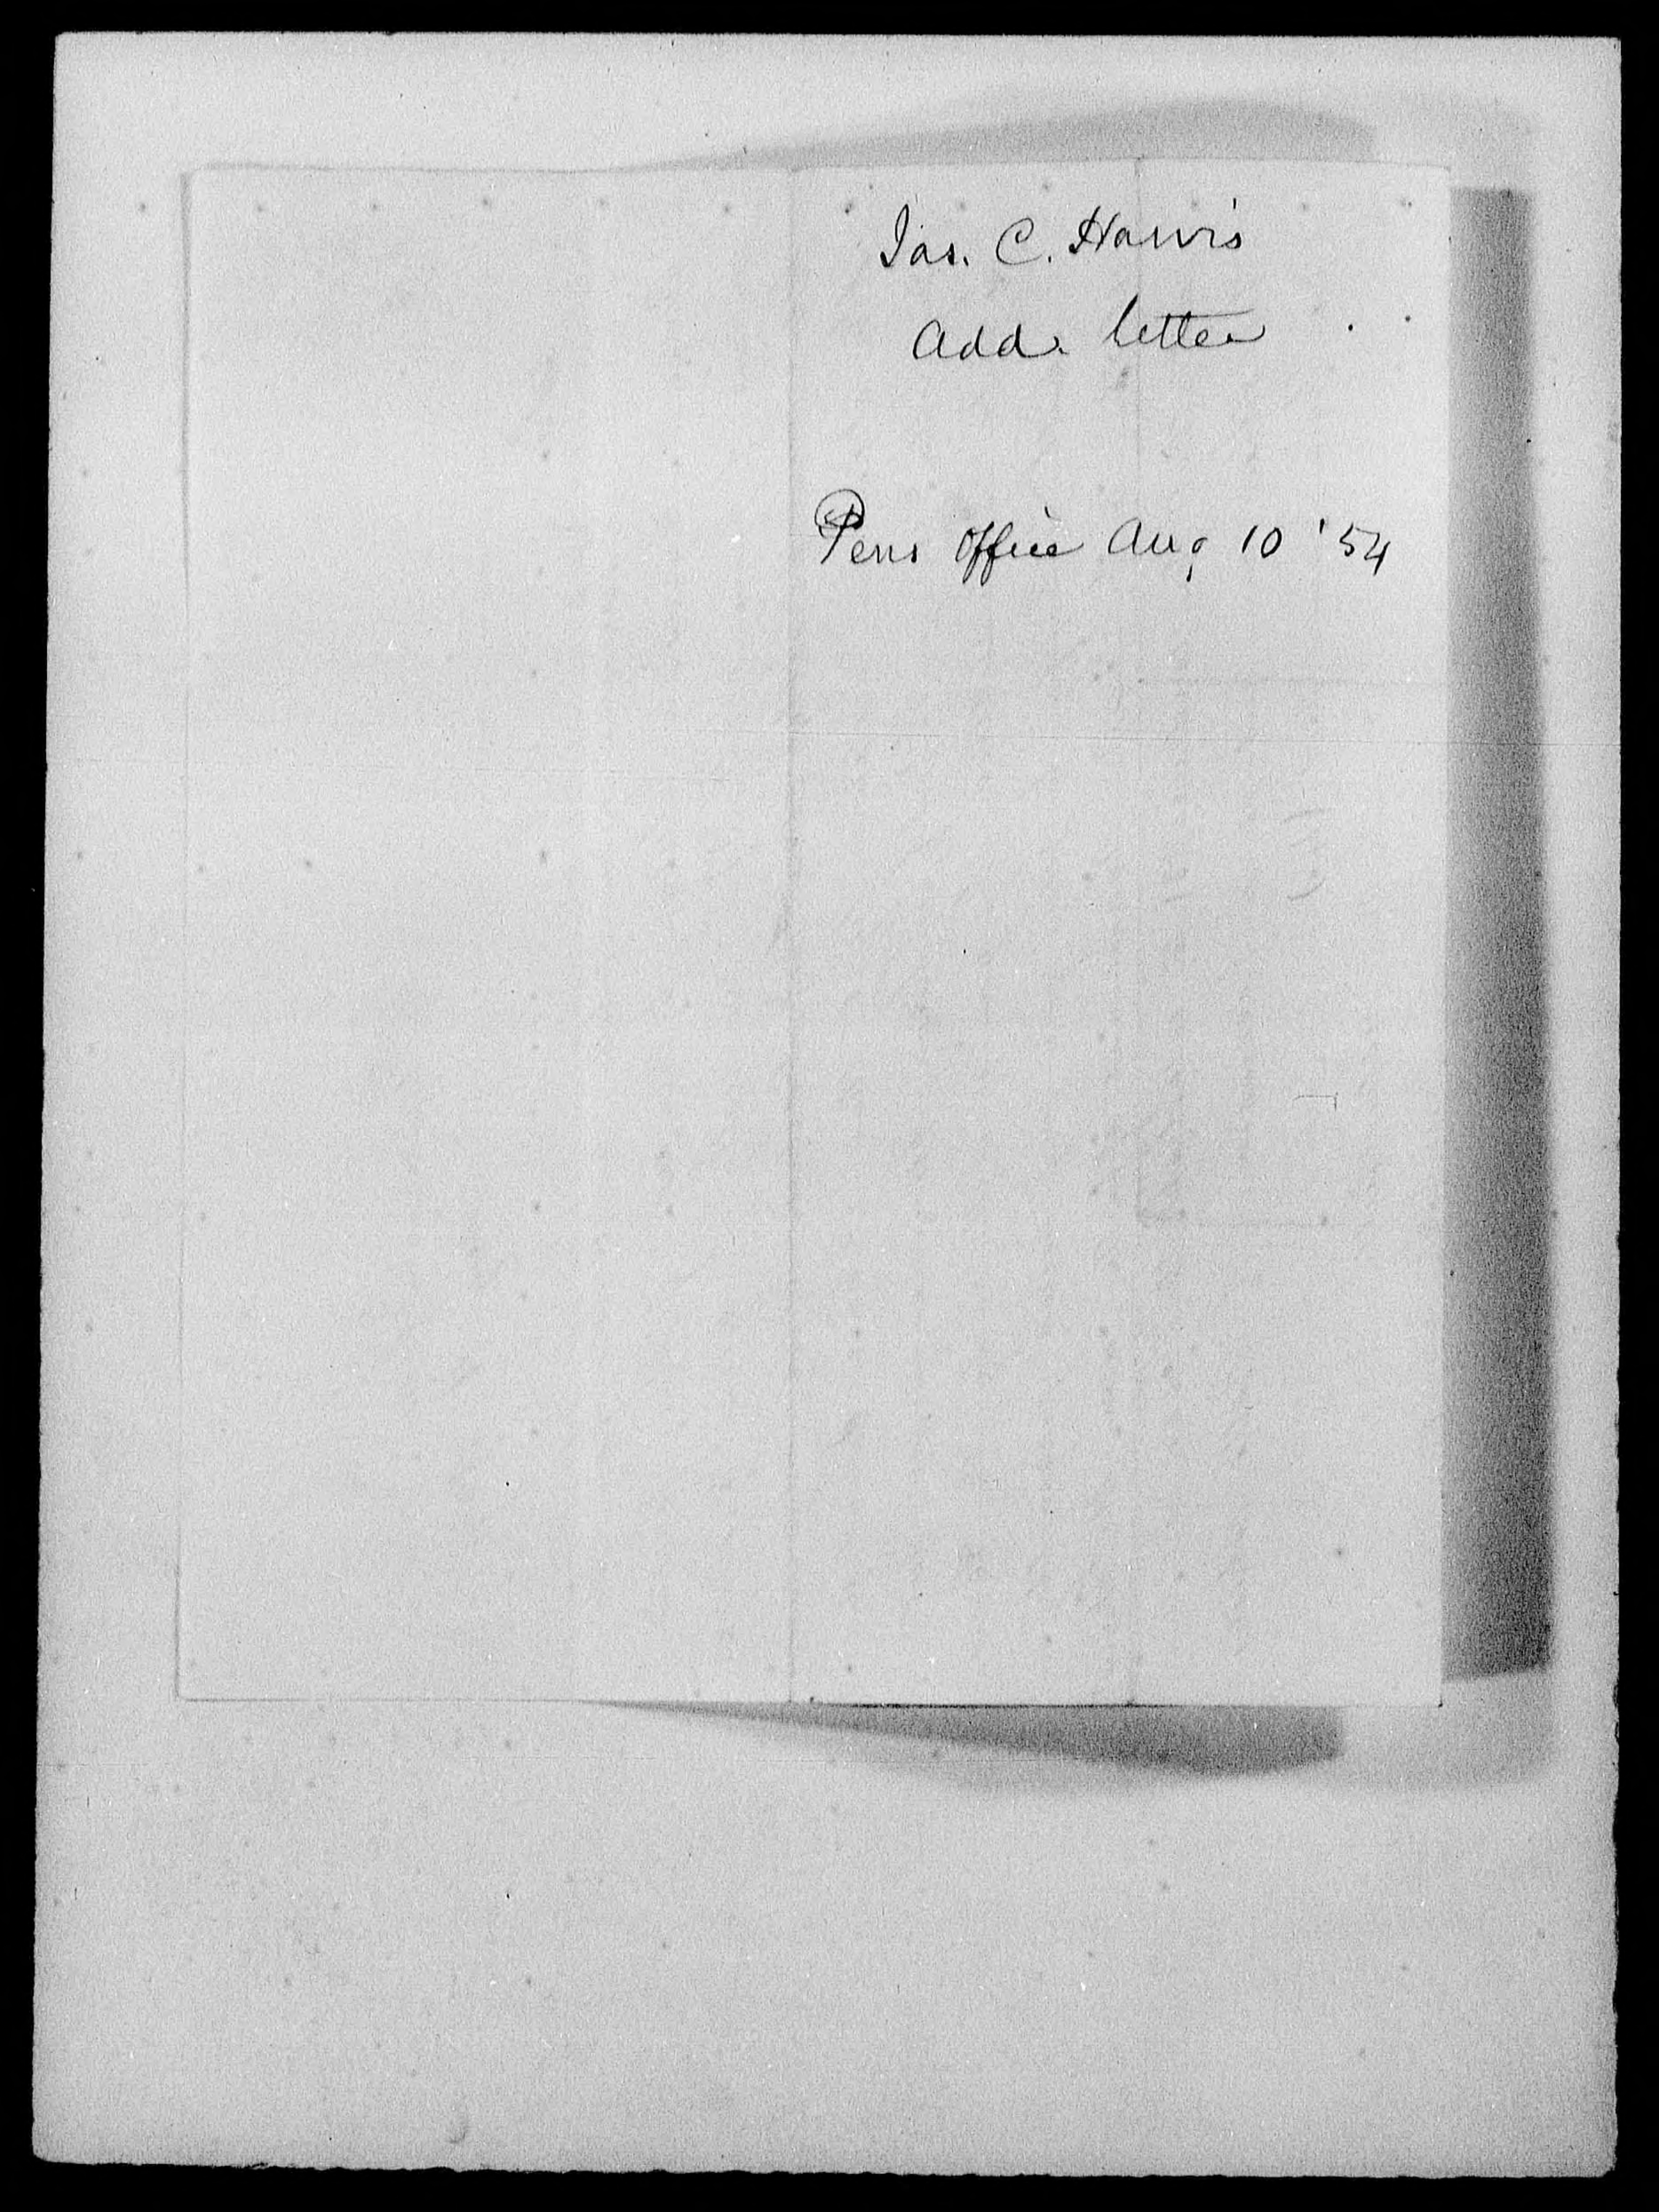Jas. C. Harris
Add. letter

Pens Office Aug 10 '54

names: Jas C Harris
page: 127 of 160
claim: rejected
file: R. 4666, James Harris, Va.